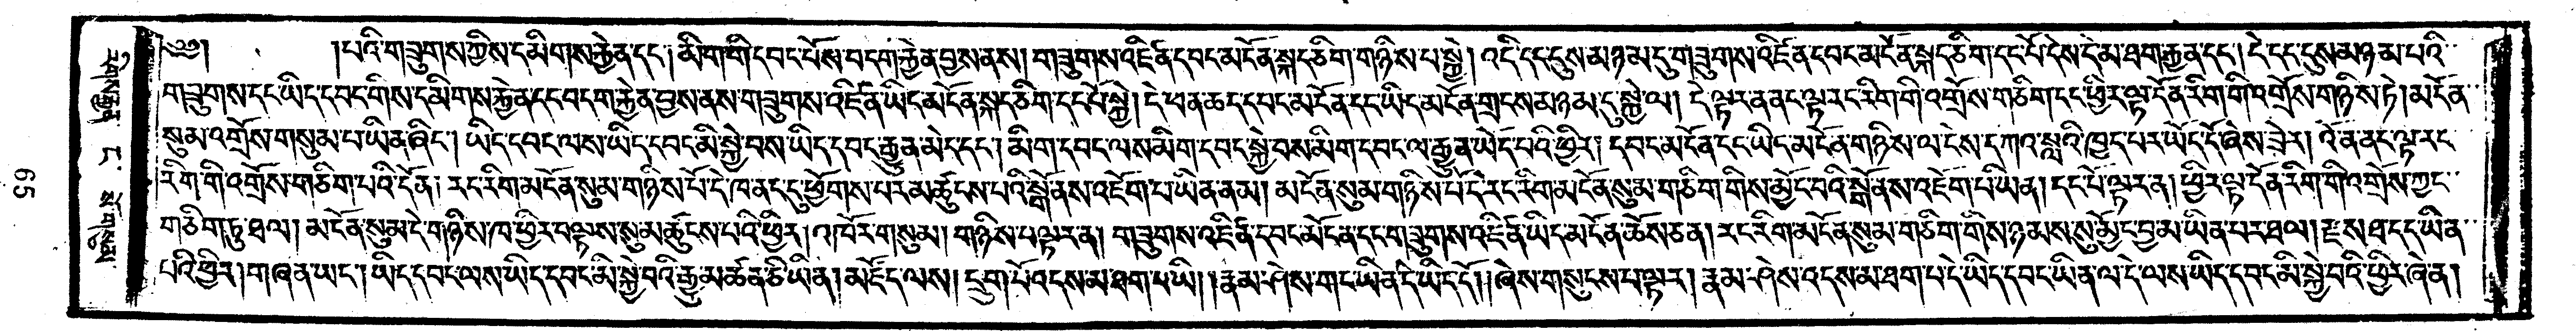༄༅། །པའི་གཟུགས་ཀྱིས་དམིགས་རྐྱེན་དང་། མིག་གི་དབང་པོས་བདག་རྐྱེན་བྱས་ནས། གཟུགས་འཛིན་དབང་མངོན་སྐད་ཅིག་གཉིས་པ་སྐྱེ། འདི་དང་དུས་མཉམ་དུ་གཟུགས་འཛིན་དབང་མངོན་སྐད་ཅིག་དང་པོ་དེས་དེ་མ་ཐག་རྐྱེན་དང་། དེ་དང་དུས་མཉམ་པའི་
གཟུགས་དང་ཡིད་དབང་གིས་དམིགས་རྐྱེན་དང་བདག་རྐྱེན་བྱས་ནས་གཟུགས་འཛིན་ཡིད་མངོན་སྐད་ཅིག་དང་པོ་སྐྱེ། དེ་ཕན་ཆད་དབང་མངོན་དང་ཡིད་མངོན་གྲངས་མཉམ་དུ་སྐྱེ་ལ། དེ་ལྟར་ན་ནང་ལྟ་རང་རིག་གི་འགྲོས་གཅིག་དང་ཕྱིར་ལྟ་དོན་རིག་གི་འགྲོས་གཉིས་ཏེ། མངོན་
སུམ་འགྲོས་གསུམ་པ་ཡིན་ཞིང་། ཡིད་དབང་ལས་ཡིད་དབང་མི་སྐྱེ་བས་ཡིད་དབང་རྒྱུན་མེད་དང་། མིག་དབང་ལས་མིག་དབང་སྐྱེ་བས་མིག་དབང་ལ་རྒྱུན་ཡོད་པའི་ཕྱིར། དབང་མངོན་དང་ཡིད་མངོན་གཉིས་ལ་ངེས་དཀའ་སླའི་ཁྱད་པར་ཡོད་དོ་ཞེས་ཟེར། འོ་ན་ནང་ལྟ་རང་
རིག་གི་འགྲོས་གཅིག་པའི་དོན། རང་རིག་མངོན་སུམ་གཉིས་པོ་དེ་ཁ་ནང་དུ་ཕྱོགས་པར་མཚུངས་པའི་སྒོ་ནས་འཇོག་པ་ཡིན་ནམ། མངོན་སུམ་གཉིས་པོ་དེ་རང་རིག་མངོན་སུམ་གཅིག་གིས་མྱོང་བའི་སྒོ་ནས་འཇོག་པ་ཡིན། དང་པོ་ལྟར་ན། ཕྱིར་ལྟ་དོན་རིག་གི་འགྲོས་ཀྱང་
གཅིག་ཏུ་ཐལ། མངོན་སུམ་དེ་གཉིས་ཁ་ཕྱིར་བལྟས་སུ་མཚུངས་པའི་ཕྱིར། འཁོར་གསུམ། གཉིས་པ་ལྟར་ན། གཟུགས་འཛིན་དབང་མངོན་དང་གཟུགས་འཛིན་ཡིད་མངོན་ཆོས་ཅན། རང་རིག་མངོན་སུམ་གཅིག་གིས་ཉམས་སུ་མྱོང་བྱ་མ་ཡིན་པར་ཐལ། རྫས་ཐ་དད་ཡིན་
པའི་ཕྱིར། གཞན་ཡང་། ཡིད་དབང་ལས་ཡིད་དབང་མི་སྐྱེ་བའི་རྒྱུ་མཚན་ཅི་ཡིན། མཛོད་ལས། དྲུག་པོ་འདས་མ་ཐག་པ་ཡི། །རྣམ་ཤེས་གང་ཡིན་དེ་ཡིད་དོ། །ཞེས་གསུངས་པ་ལྟར། རྣམ་ཤེས་འདས་མ་ཐག་པ་དེ་ཡིད་དབང་ཡིན་ལ་དེ་ལས་ཡིད་དབང་མི་སྐྱེ་བའི་ཕྱིར་ཞེ་ན།